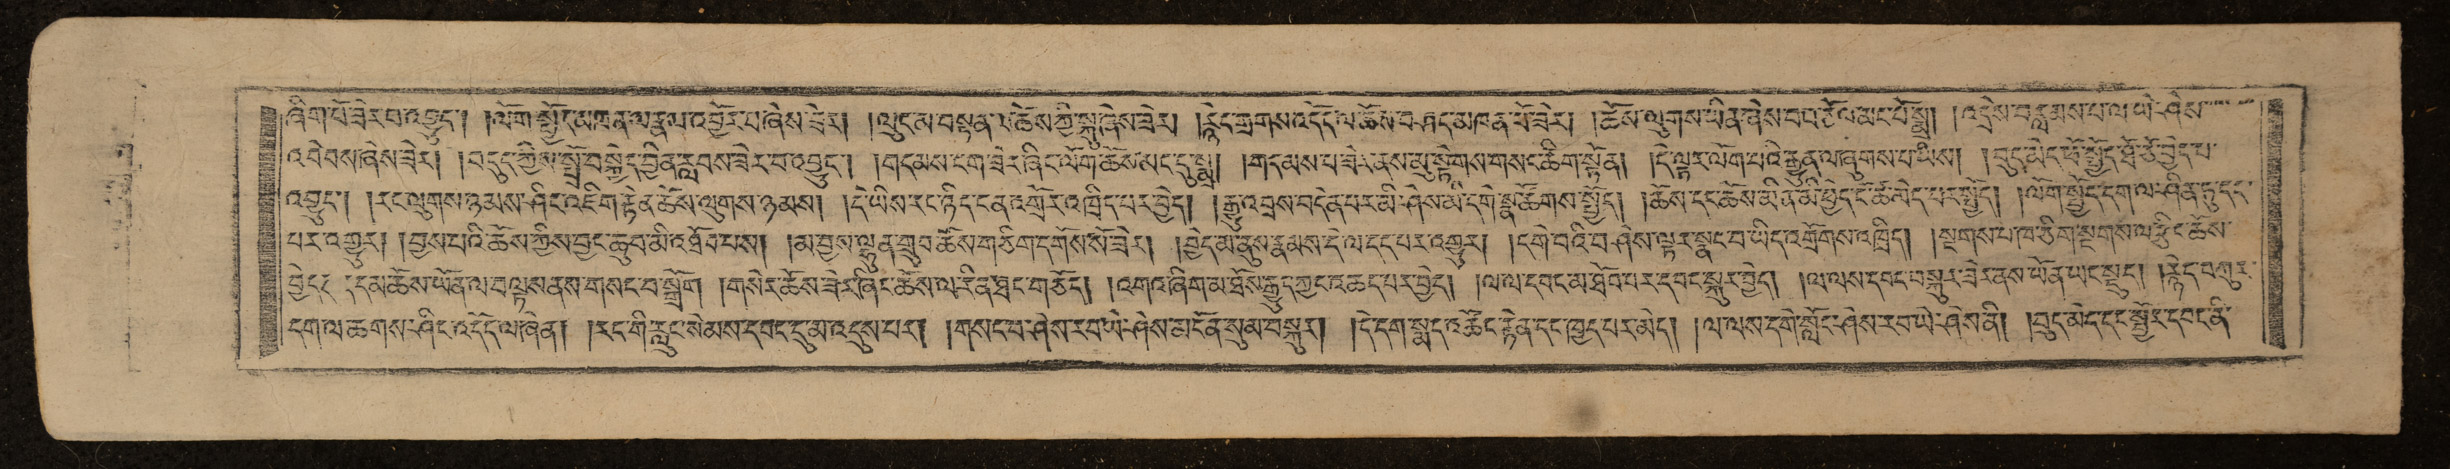ཞིག་པོ་ཟེར་པ་འབྱུང་། །ལོག་སྤྱོད་མཁན་ལ་རྣལ་འབྱོར་བ་ཞེས་ཟེར། །ལུང་མ་བསྟན་ལ་ཆོས་ཀྱི་སྐུ་ཞེས་ཟེར། །རྙེད་གྲགས་འདོད་ལ་ཆོས་བཤད་མཁན་པོ་ཟེར། །ཆོས་ལུགས་ཡིན་ཞེས་བབ་ཅོལ་མང་པོ་སྨྲ། །འདྲེས་བརླམས་པ་ལ་ཡེ་ཤེས་
འབེབས་ཞེས་ཟེར། །བདུད་ཀྱིས་སྤྲོ་བ་སྐྱེད་བྱིན་རླབས་ཟེར་བ་འབྱུང་། །གདམས་ངག་ཟེར་ཞིང་ལོག་ཆོས་མང་དུ་སྨྲ། །གདམས་པ་ཟེར་ནས་མུ་སྟེགས་གསང་ཚིག་སྟོན། །དེ་ལྟར་ལོག་པའི་རྒྱུན་ལ་ཞུགས་པ་ཡིས། །བུད་མེད་ཕོ་སྤྱོད་ཐོ་ཅོ་བྱེད་པ་
འབྱུང་། །རང་ལུགས་ཉམས་ཤིང་འཇིག་རྟེན་ཆོས་ལུགས་ཉམས། །དེ་ཡིས་རང་ཉིད་ངན་འགྲོར་འཁྲིད་པར་བྱེད། །རྒྱུ་འབྲས་བདེན་པར་མི་ཤེས་མི་དགེ་སྣ་ཚོགས་སྤྱོད། །ཆོས་དང་ཆོས་མིན་མི་བྱེད་ངོ་ཚ་མེད་པར་སྤྱོད། །ལོག་སྤྱོད་དག་ལ་ཤིན་ཏུ་དད་
པར་འགྱུར། །བྱས་པའི་ཆོས་ཀྱིས་བྱང་ཆུབ་མི་འཐོབ་པས། །མ་བྱས་ལྷན་གྲུབ་ཆོས་གཅིག་དགོས་སོ་ཟེར། །བྱེད་མ་ནུས་རྣམས་དེ་ལ་དད་པར་འགྱུར། །དགེ་བའི་བཤེས་ལྟར་སྣང་བ་ཡིད་འགྲོགས་འཁྲིད། །སྔགས་པ་ཁ་ཅིག་སྔགས་ལ་རྩིང་ཆོས་
བྱེད༑ ༑དམ་ཆོས་ཡོན་ལ་བལྟས་ནས་གསང་བ་སྒྲོག །གསེར་ཆོས་ཟེར་ཞིང་ཆོས་ལ་རིན་ཐང་གཅོད། །འགའ་ཞིག་མ་ཐོས་རྒྱུད་ཀྱང་འཆད་པར་བྱེད། །ལ་ལ་དབང་མ་ཐོབ་པར་དབང་སྐུར་བྱེད། །ལ་ལས་དབང་བསྐུར་ཟེར་ནས་ཡོན་ཡང་སྡུད། །རྙེད་བཀུར་
དག་ལ་ཆགས་ཤིང་འདོད་ལ་ཞེན། །རང་གི་རླུང་སེམས་དབང་དུ་མ་འབུས་པར། །གྲ་སང་བ་ཤེས་རབ་ཡེ་ཤེས་མངོན་སུམ་བསྐུར། །དེ་དག་སྨད་འཚོང་བསྟེན་དང་ཁྱད་པར་མེད། །ལ་ལས་དགེ་སློང་ཤེས་རབ་ཡེ་ཤེས་ནི། །བུད་མེད་དང་སྦྱོར་དབང་ནི་